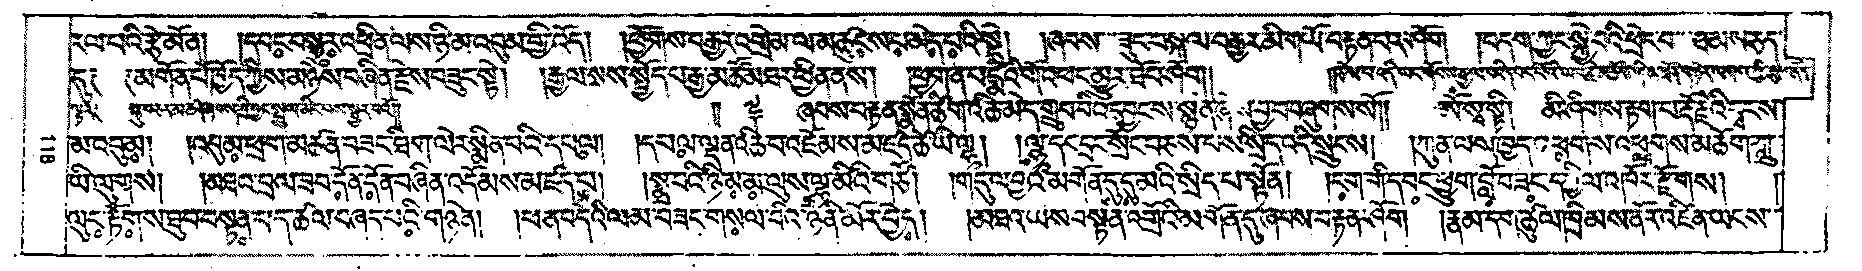རལ་པའི་རྩེ་མོ་ན། །དབང྾་བསྒྱུར྾་འཕྲིན་ལས་ཉི་མ་འབུམ་གྱི་འོད། །ཕྱོགས་བརྒྱར་འགྲེམ་ལ་མཚུངས྾་པ྾་མེད྾་པའི྾་སྡེ། །ཞབས་ཟུང་བསྐལ་བརྒྱར་མི་གཡོན་བརྟན་པར་ཤོག །བདག་ཀྱང་སྐྱེ་བའི་ཕྲེང་བ་ཐམས་ཅད་
དུ། །མགོན་པོ་ཁྱོད་ཀྱིས་མཉེས་བཞིན་རྗེས་བཟུང་སྟེ། །རྒྱལ་སྲས་སྤྱོད་པ་རྒྱ་མཚོ་མཐར་ཕྱིན་ནས། །ཕྱག་ན་པདམོའི་གོ་འཕང་མྱུར་ཐོབ་ཤོག ། །།ཅེས་པ་འདི་ཡང་གོངས་རྒྱལ་བའི་དབང་པོའི་ཡབ་རྗེ་མཆོག་གི་མགྲོན་གཉེར་ལགས་ཀྱི་ཐུགས་འདོད་
ལྟར། སྐུ་བཅར་མཚན་ཞབས་ཁྲི་བྱང་སྤྲུལ་མིང་པས་སྦྱར་བའོ།། །། ༈ ཞབས་བརྟན་སྨོན་ཚིག་འཆི་མེད་གྲུབ་པའི་དབྱངས་སྙན་ཞེས་བྱ་བ་བཞུགས་སོ། །ཨོཾ་སྭ་སྟི། མི་ཤིགས་རྟག་པ་རྡོ་རྗེའི་དྭངས་
མ་འབུམ྾། །འབུམ྾་ཕྲག་མཚན་བཟང་ཐིག་ལེར་སྨིན་པའི་དཔལ྾། །དཔལ྾་ལྡན་འཆི་བ་འཇོམས་མཛད་ཚེ་ཡི་ལྷ྾། །ལྷ྾་དང་དྲང་སྲོང་བཅས་པས་སྲིད་འདི་སྲུངས། །ཀུན་ལས་ཁྱད་འཕགས྾་འཕགས྾~྾་མཆོག་ཀླུ་
ཡི་ལུགས། །མཐའ་བྲལ་ཟབ་དོན྾་དོན྾་བཞིན་འདོམས་མཛད་~྾་པ། །སྨྲ་བའི་ཉི་མ྾་མ྾་ལུས་~྾་ལྷ་མིའི་གཙོ། །གདུལ་བྱའི་མགོན་དུ྾་དུ྾་མའི་སྲིད་པ་སྟོན། །ངག྾་གི་དབང྾་ཕྱུག་བློ་བཟང྾་དཀྱིལ་འཁོར་རྫོགས། །
ལུང྾་རྟོགས྾་ཐུབ་བསྟན྾་པད་ཚལ་བཞད་པའི྾་གཉེན། །ཕན་བདེའི་ལམ་བཟང་གསལ྾་བའི་ཉིན་མོར་བྱེད྾། །མཐའ་ཡས་བསྟན་འགྲོའི་མགོན་དུ་ཞབས་བརྟན་ཤོག །རྣམ་དག་ཚུལ་ཁྲིམས་ནོར་འཛིན་ཡངས་